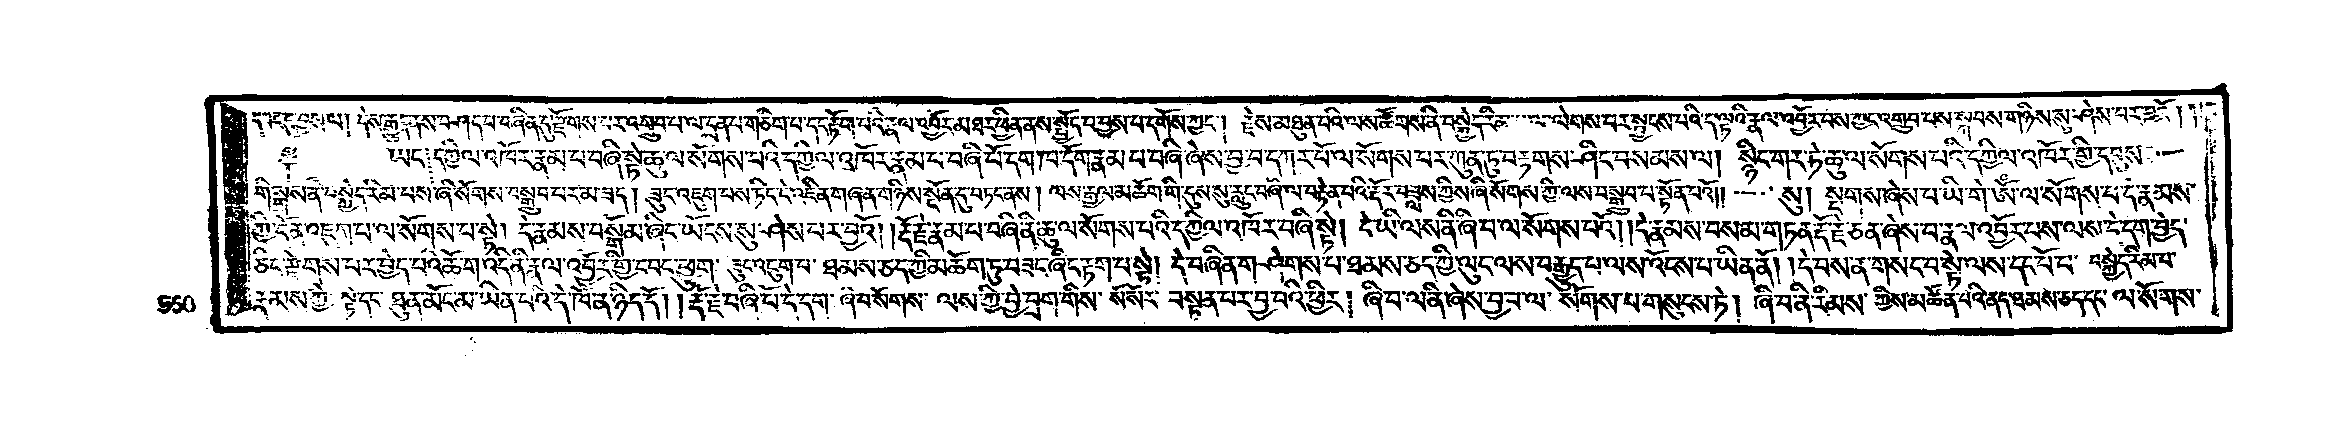དབང་དུ་བྱས་ལ། དེས་རྒྱུད་ནས་བཤད་པ་བཞིན་དུ་རྫོགས་པར་འགྲུབ་པ་ལ་དྲན་པ་གཅིག་པ་དང་རྟོག་པའི་རྣལ་འབྱོར་མཐར་ཕྱིན་ནས་སྤྱོད་པ་བྱས་པ་དགོས་ཀྱང་། རྗེས་མཐུན་པའི་ལས་ཚོགས་ནི་བསྐྱེད་རིམ་ལ་ལེགས་པར་སྦྱངས་པའི་ད་ལྟའི་རྣལ་འབྱོར་བས་ཀྱང་འགྲུབ་པས་སྐབས་གཉིས་སུ་ཤེས་པར་བྱའོ། །
༈ ཡང་དཀྱིལ་འཁོར་རྣམ་པ་བཞི་སྟེ་ཆུ་ལ་སོགས་པའི་དཀྱིལ་འཁོར་རྣམ་པ་བཞི་པོ་དག་ཁ་དོག་རྣམ་པ་བཞི་ཞེས་བྱ་བ་དཀར་པོ་ལ་སོགས་པར་ཀུན་ཏུ་བརྟགས་ཤིང་བསམས་ལ། སྙིང་གར་ཏེ་ཆུ་ལ་སོགས་པའི་དཀྱིལ་འཁོར་གྱི་དབུསཿ
གི་སྒྲས་ནི་བསྐྱེད་རིམ་པས་ཞི་སོགས་བསྒྲུབ་པར་མ་ཟད། ཟུང་འཇུག་པས་ཏིང་ངེ་འཛིན་གཞན་གཉིས་སྔོན་དུ་བཏང་ནས། ལས་རྒྱལ་མཆོག་གི་དུས་སུ་རླུང་བཞི་ལ་བརྟེན་པའི་རྡོར་བཟླས་ཀྱིས་ཞི་སོགས་ཀྱི་ལས་བསྒྲུབ་པ་སྟོན་པའོ།།  .Hསུ། སྔགས་ཞེས་པ་ཡི་གེ་ཨོཾ་ལ་སོགས་པ་དེ་རྣམས་
ཀྱི་དོན་འཇུག་པ་ལ་སོགས་པ་སྟེ། དེ་རྣམས་བསྒོམ་ཞིང་ཡོངས་སུ་ཤེས་པར་བྱའོ། །རྡོ་རྗེ་རྣམ་པ་བཞི་ནི་ཆུ་ལ་སོགས་པའི་དཀྱིལ་འཁོར་བཞི་སྟེ། དེ་ཡི་ལས་ནི་ཞི་བ་ལ་སོགས་པའོ། །དེ་རྣམས་བསམ་གཏན་རྡོ་རྗེ་ཅན་ཞེས་པ་རྣལ་འབྱོར་པས་ལས་དེ་དག་བྱེད་
ཅིང་རྟོགས་པར་བྱེད་པའི་ཆོ་ག་འདི་ནི་རྣལ་འབྱོར་གྱི་དབང་ཕྱུག་ཟུང་འཇུག་པ་ཐམས་ཅད་ཀྱི་མཆོག་ཏུ་བཟང་ཞིང་རྟག་པ་སྟེ། དེ་བཞིན་གཤེགས་པ་ཐམས་ཅད་ཀྱི་ལུང་ལས་བརྒྱུད་པ་ལས་འོངས་པ་ཡིན་ནོ། །དེ་བས་ན་གསང་བ་སྟེ་ལས་དང་པོ་པ་བསྐྱེད་རིམ་པ་
རྣམས་ཀྱི་སྟེ་དང་ཐུན་མོང་མ་ཡིན་པའི་དེ་ཁོ་ན་ཉིད་དོ། །རྡོ་རྗེ་བཞི་པོ་དེ་དག་ཞི་བ་སོགས་ལས་ཀྱི་བྱེ་བྲག་གིས་སོ་སོར་བསྟན་པར་བྱ་བའི་ཕྱིར། ཞི་བ་ལ་ནི་ཞེས་བྱ་བ་ལ་སོགས་པ་གསུངས་ཏེ། ཞི་བ་ནི་རིམས་ཀྱིས་མཚོན་པའི་ནད་ཐམས་ཅད་དང་ལ་སོགས་